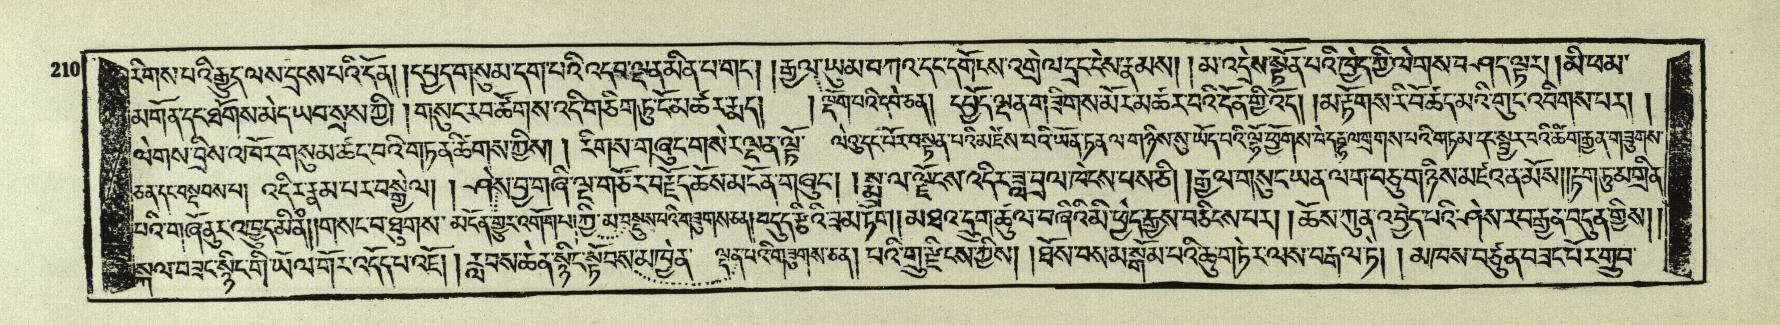རིགས་པའི་རྒྱུད་ལས་དྲངས་པའི་དོན། །དཔྱད་གསུམ་དག་པའི་འདབ་ལྡན་མིན་པ་གང་། །རྒྱལ་ཡུམ་བཀའ་དང་དགོངས་འགྲེལ་དྲང་ངེས་རྣམས། །མ་འདྲེས་སྟོན་པའི་ཁྱེད་ཀྱི་ལེགས་བཤད་ལྟར། །མི་ཕམ་
མགོན་དང་ཐོགས་མེད་ཡབ་སྲས་ཀྱི། །གསུང་རབ་ཚོགས་འདི་གཅིག་ཏུ་ངོ་མཚར་རྨད། དཔྱོད་ལྡན་གཟིགས་མོར་མཚར་བའི་དོན་གྱི་འོད། །མ་རྟོགས་རི་བོ་ཚད་མའི་གུང་འབིགས་པར། །
ལེགས་བྲིས་འཁོར་གསུམ་ཚང་བའི་གཏན་ཚིགས་ཀྱིས། །རིགས་གཞུང་གསེར་ལྡན་ལྟོ་ལེའུ་དང་པོར་བསྟན་པའི་མཛེས་པའི་ཡོན་ཏན་ལ་གཉིས་སུ་ཡོད་པའི་ལྷོ་ཕྱོགས་བེ་དྲྦྷ་ལ་གྲགས་པའི་གཏམ་དང་སྦྱར་བའི་ཚིག་རྒྱན་གཟུགས་
ཅན་དང་བསངབས་པ།འདིར་རྣམ་པར་བསྒྱེལ། མངོན་གྱུར་འགོག་པ། མ་བསྡུས་པའི་གཟུགས་ཅན། །ཤེས་བྱ་གཞི་ལྔ་གཙོར་བརྗོད་ཆོས་མངོན་གསུང་། །སྨྲ་ལ་ལྗོངས་འདིར་ཟླ་བྲལ་ཁེངས་པས་ཅི། །རྒྱལ་གསུང་ཡན་ལག་བཅུ་གཉིས་མཛའ་ན་མོས། །རྟག་ཏུ་མགྲིན་
པའི་གཞོ་ནུར་འཁྱུད་མི་ནཾ། །གསང་བ་ཐུགས་ཀྱི་མ་བསྡུས་རྩིའི་ཟ་མ་ཏོག། །མཐའ་དྲུག་ཚུལ་བཞིའི་མི་ཕྱེད་རྒྱས་བཅིངས་པར། །ཆོས་ཀུན་འབྱེད་པའི་ཤེས་རབ་རྒྱན་བདུན་གྱིས། །
སྐལ་བཟང་སྙིང་གི་ཡོལ་གོར་འདོད་པ་འཇོ། །རླབས་ཆེན་སྙིང་སྟོབས་ལྡན་པའི་གཟུགས་ཅན་མཁྱེན་པའི་གྲུ་རྫིངས་ཀྱིས། །ཐོས་བསམ་སྒོམ་པའི་ཆུ་གཏེར་ལས་བརྒལ་ཏེ། །མཁས་བཙུན་བཟང་པོར་གྲུབ་